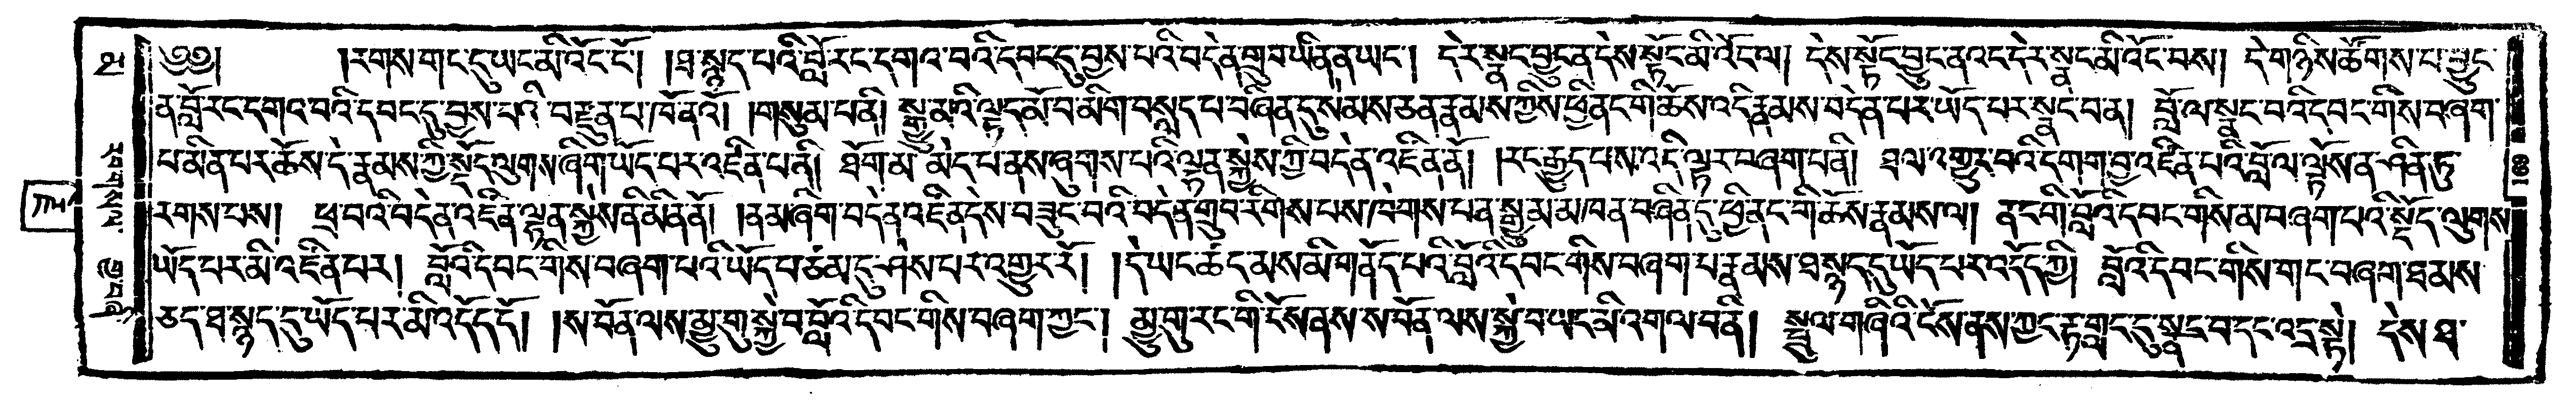༄༅། །རགས་གང་དུ་ཡང་མི་འོང་ངོ། །ཐ་སྙད་པའི་བློ་རང་དགའ་བའི་དབང་དུ་བྱས་པའི་བདེན་གྲུབ་ཡིན་ན་ཡང་། དེར་སྣང་བྱུང་ན་དེས་སྟོང་མི་འོང་ལ། དེས་སྟོང་བྱུང་ནའང་དེར་སྣང་མི་འོང་བས། དེ་གཉིས་ཚོགས་པ་བྱུང་
ན་བློ་རང་དགའ་བའི་དབང་དུ་བྱས་པའི་བརྫུན་པ་ཁོ་ནའོ། །གསུམ་པ་ནི། སྒྱུ་མའི་ལྟད་མོ་བ་མིག་བསླད་པ་བཞིན་དུ་སེམས་ཅན་རྣམས་ཀྱིས་ཕྱི་ནང་གི་ཆོས་འདི་རྣམས་བདེན་པར་ཡོད་པར་སྣང་བ་ན། བློ་ལ་སྣང་བའི་དབང་གིས་བཞག་
པ་མིན་པར་ཆོས་དེ་རྣམས་ཀྱི་སྡོད་ལུགས་ཞིག་ཡོད་པར་འཛིན་པ་ནི། ཐོག་མ་མེད་པ་ནས་ཞུགས་པའི་ལྷན་སྐྱེས་ཀྱི་བདེན་འཛིན་ནོ། །རང་རྒྱུད་པས་འདི་ལྟར་བཞག་པ་ནི། ཐལ་འགྱུར་བའི་དགག་བྱ་འཛིན་པའི་བློ་ལ་ལྟོས་ན་ཤིན་ཏུ་
རགས་པས། ཕྲ་བའི་བདེན་འཛིན་ལྷན་སྐྱེས་ནི་མིན་ནོ། །ནམ་ཞིག་བདེན་འཛིན་དེས་བཟུང་བའི་བདེན་གྲུབ་རིགས་པས་ཁེགས་པ་ན་སྒྱུ་མ་མཁན་བཞིན་དུ་ཕྱི་ནང་གི་ཆོས་རྣམས་ལ། ནང་གི་བློའི་དབང་གིས་མ་བཞག་པའི་སྡོད་ལུགས་
ཡོད་པར་མི་འཛིན་པར། བློའི་དབང་གིས་བཞག་པའི་ཡོད་པ་ཙམ་དུ་ཤེས་པར་འགྱུར་རོ། །དེ་ཡང་ཚད་མས་མི་གནོད་པའི་བློའི་དབང་གིས་བཞག་པ་རྣམས་ཐ་སྙད་དུ་ཡོད་པར་འདོད་ཀྱི། བློའི་དབང་གིས་གང་བཞག་ཐམས་
ཅད་ཐ་སྙད་དུ་ཡོད་པར་མི་འདོད་དོ། །ས་བོན་ལས་མྱུ་གུ་སྐྱེ་བ་བློའི་དབང་གིས་བཞག་ཀྱང་། མྱུ་གུ་རང་གི་ངོས་ནས་ས་བོན་ལས་སྐྱེ་བ་ཡང་མི་འགལ་བ་ནི། སྤྲུལ་གཞིའི་ངོས་ནས་ཀྱང་རྟ་གླང་དུ་སྣང་བ་དང་འདྲ་སྟེ། དེས་ཐ་